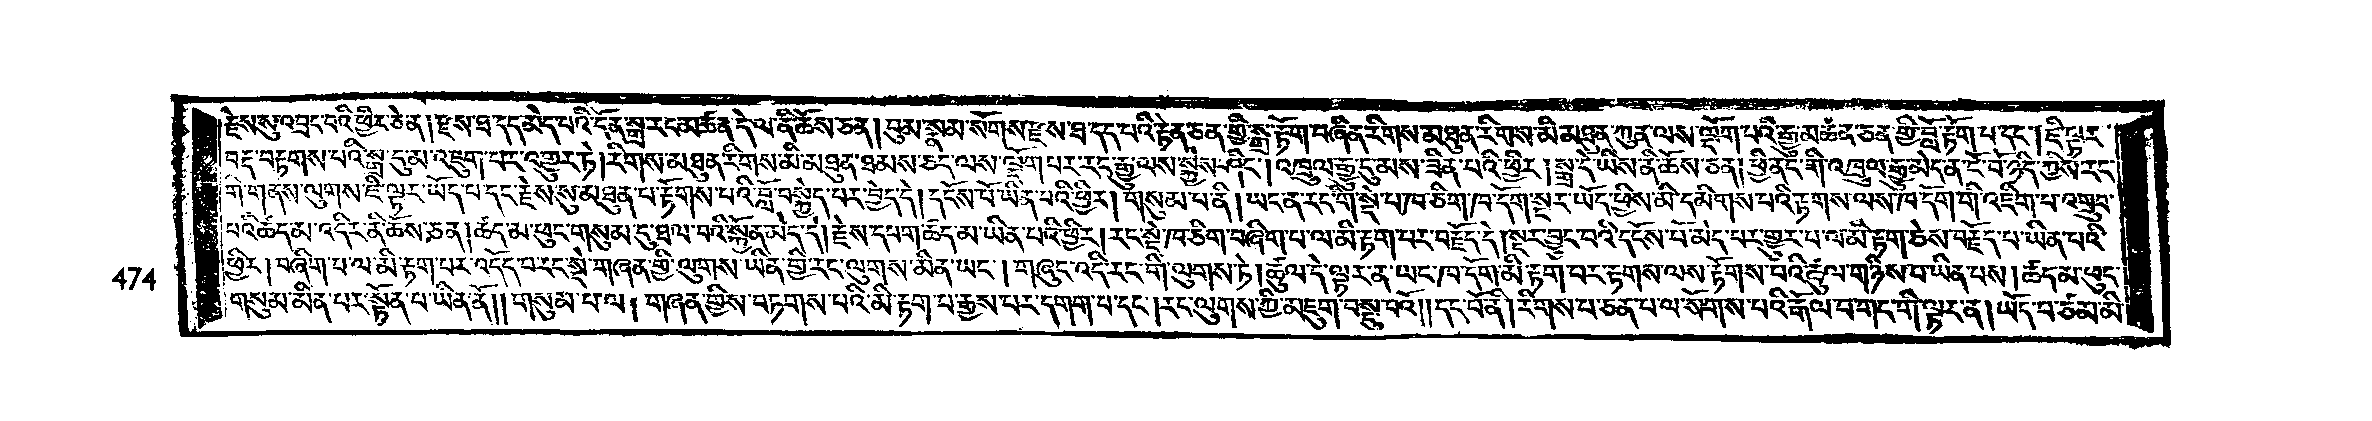རྗེས་སུ་འབྲང་བའི་ཕྱིར་ཅེ་ན། རྫས་ཐ་དད་མེད་པའི་དོན་སྒྲ་རང་མཚན་དེ་ལ་ནི་ཆོས་ཅན། བུམ་སྣམ་སོགས་རྫས་ཐ་དད་པའི་རྟེན་ཅན་གྱི་སྒྲ་རྟོག་བཞིན་རིགས་མཐུན་རིགས་མི་མཐུན་ཀུན་ལས་ལྡོག་པའི་རྒྱུ་མཚན་ཅན་གྱི་བློ་རྟོག་པ་དང་། ཇི་ལྟར་
བརྡ་བརྟགས་པའི་སྒྲ་དུ་མ་འཇུག་པར་འགྱུར་ཏེ། རིགས་མཐུན་རིགས་མི་མཐུན་ཐམས་ཅད་ལས་ལྡོག་པར་རང་རྒྱུ་ལས་སྐྱེས་ཤིང་། འཁྲུལ་རྒྱུ་དུ་མས་ཟིན་པའི་ཕྱིར། སྒྲ་དེ་ཡིས་ནི་ཆོས་ཅན། ཕྱི་ནང་གི་འཁྲུལ་རྒྱུ་མེད་ན་ངོ་བོ་ཉིད་ཀྱིས་རང་
གི་གནས་ལུགས་ཇི་ལྟར་ཡོད་པ་དང་རྗེས་སུ་མཐུན་པ་རྟོགས་པའི་བློ་བསྐྱེད་པར་བྱེད་དེ། དངོས་པོ་ཡིན་པའི་ཕྱིར། གསུམ་པ་ནི། ཡང་ན་རང་གི་སྡེ་པ་ཁ་ཅིག་ཁ་དོག་སྔར་ཡོད་ཕྱིས་མི་དམིགས་པའི་རྟགས་ལས་ཁ་དོག་གི་འཇིག་པ་འགྲུབ་
པའི་ཚད་མ་འདིར་ནི་ཆོས་ཅན། ཚད་མ་ཕུང་གསུམ་དུ་ཐལ་བའི་སྐྱོན་མེད་དེ། རྗེས་དཔག་ཚད་མ་ཡིན་པའི་ཕྱིར། རང་སྡེ་ཁ་ཅིག་བཞིག་པ་ལ་མི་རྟག་པར་བརྗོད་དེ། སྔར་བྱུང་བའི་དངོས་པོ་མེད་པར་གྱུར་པ་ལ་མི་རྟག་ཅེས་བརྗོད་པ་ཡིན་པའི་
ཕྱིར། བཞིག་པ་ལ་མི་རྟག་པར་འདོད་པ་རང་སྡེ་གཞན་གྱི་ལུགས་ཡིན་གྱི་རང་ལུགས་མིན་ཡང་། གཞུང་འདི་རང་གི་ལུགས་ཏེ། ཚུལ་དེ་ལྟར་ན་ཡང་ཁ་དོག་མི་རྟག་པར་རྟགས་ལས་རྟོགས་པའི་ཚུལ་གཉིས་པ་ཡིན་པས། ཚད་མ་ཕུང་
གསུམ་མིན་པར་སྟོན་པ་ཡིན་ནོ། །གསུམ་པ་ལ། གཞན་གྱིས་བཏགས་པའི་མི་རྟག་པ་རྒྱས་པར་དགག་པ་དང་། རང་ལུགས་ཀྱི་མཇུག་བསྡུ་བའོ། །དང་པོ་ནི། རིགས་པ་ཅན་པ་ལ་སོགས་པའི་རྒོལ་བ་གང་གི་ལྟར་ན། ཡོད་པ་ཙམ་མི་